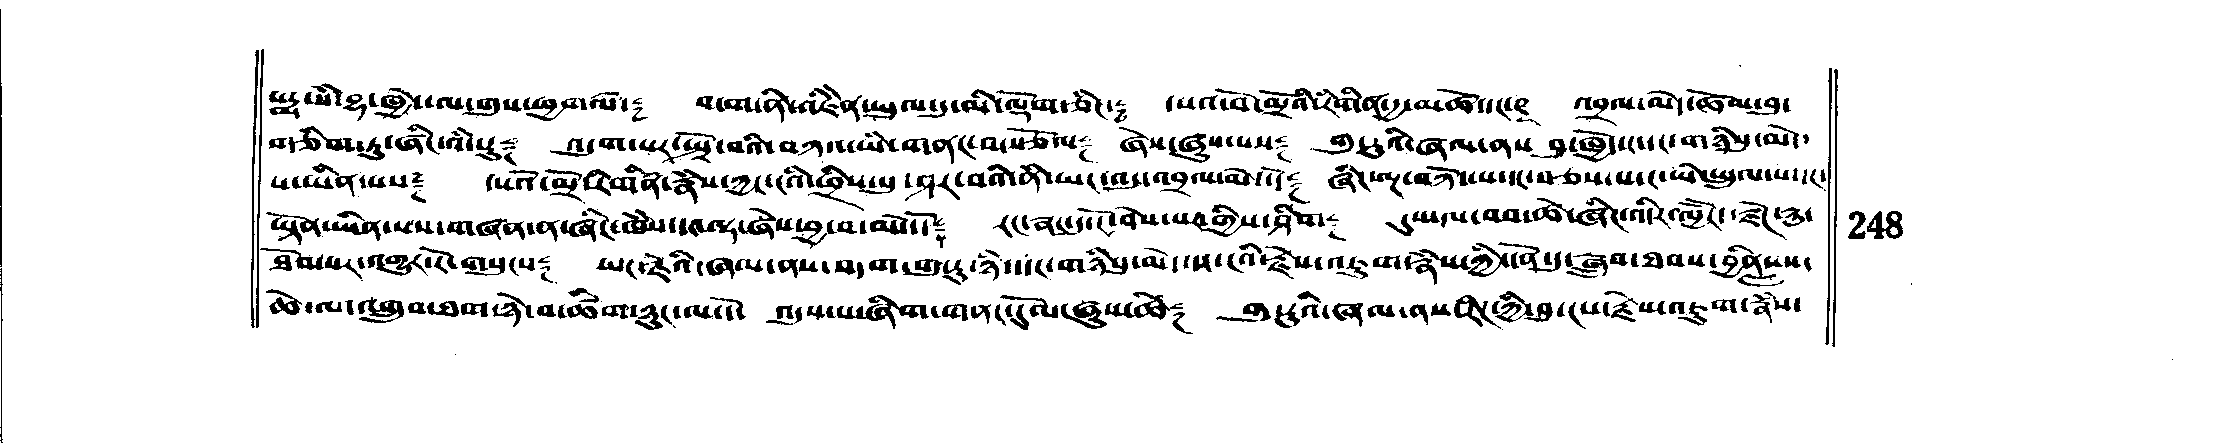།པདྨ་སམ་བྷ་ཁྱེད་ལ་གུས་ཕྱག་འཚལ། །བདག་ནི་འཇིག་རྟེན་ཡུལ་དུ་མི་ལྡོག་ཅིང་། །དཔའ་བོ་མཁའ་འགྲོ་རིག་འཛིན་རྒྱ་མཚོ་དང་། །འབྲལ་མེད་ཚོམ་བུ་
གཅིག་ཏུ་ཞིང་འདི་རུ། །འདུག་པར་སྤྲོ་བས་བཀའ་ཡི་གནང་བ་སྩོལ། །ཞེས་ཞུས་པས།གུ་རུའི་ཞལ་ནས་བུ་ཁྱོད་ང་དང་གཉིས་སུ་མེད་
པ་ཡིན་པས། དཔའ་བོ་མཁའ་འགྲོ་རིག་འཛིན་རྣམས་ཀྱང་ངའི་ཕྲིན་ལས་སུ་ཤར་བས་ནམ་ཡང་འདུ་འབྲལ་མེད་དོ། ཞིང་ལྔ་བཀོད་པ་དང་བཅས་པ་ང་ཡི་སྤྲུལ་པ་དང་
ཡོན་ཏན་ཡིན་པས་གཞན་ན་ཞིང་ཁམས་དང་ལྷ་ཞེས་བྱ་བ་མེད་དོ། རང་སྣང་དུ་ངོ་ཤེས་པར་གྱིས་ཤིག དུས་ལ་བབ་ཚེ་ཞིང་འདིར་ལོངས་སྤྱོད་རྫོགས་སྐུ་
ཐོབ་པར་འགྱུར་རོ་གསུངས། ཡང་རྗེའི་ཞལ་ནས་བདག་གུ་རུ་ཉིད་དང་གཉིས་སུ་མེད་པ་ངའི་རྗེས་འཇུག་རྣམས་ཀྱི་དོན་དུ་སྒྲུབ་ཐབས་བྱིན་རླབས་
ཆེ་ལ་གྲུབ་ཐག་ཉེ་བ་ཚིག་ཉུང་ལ་དོན་འདུས་པ་ཞིག་གནང་དུ་གསོལ་ཞུས་ཚེ། གུ་རུའི་ཞལ་ནས་རིགས་ཀྱི་བུ་ངས་རྗེས་འཇུག་རྣམས་